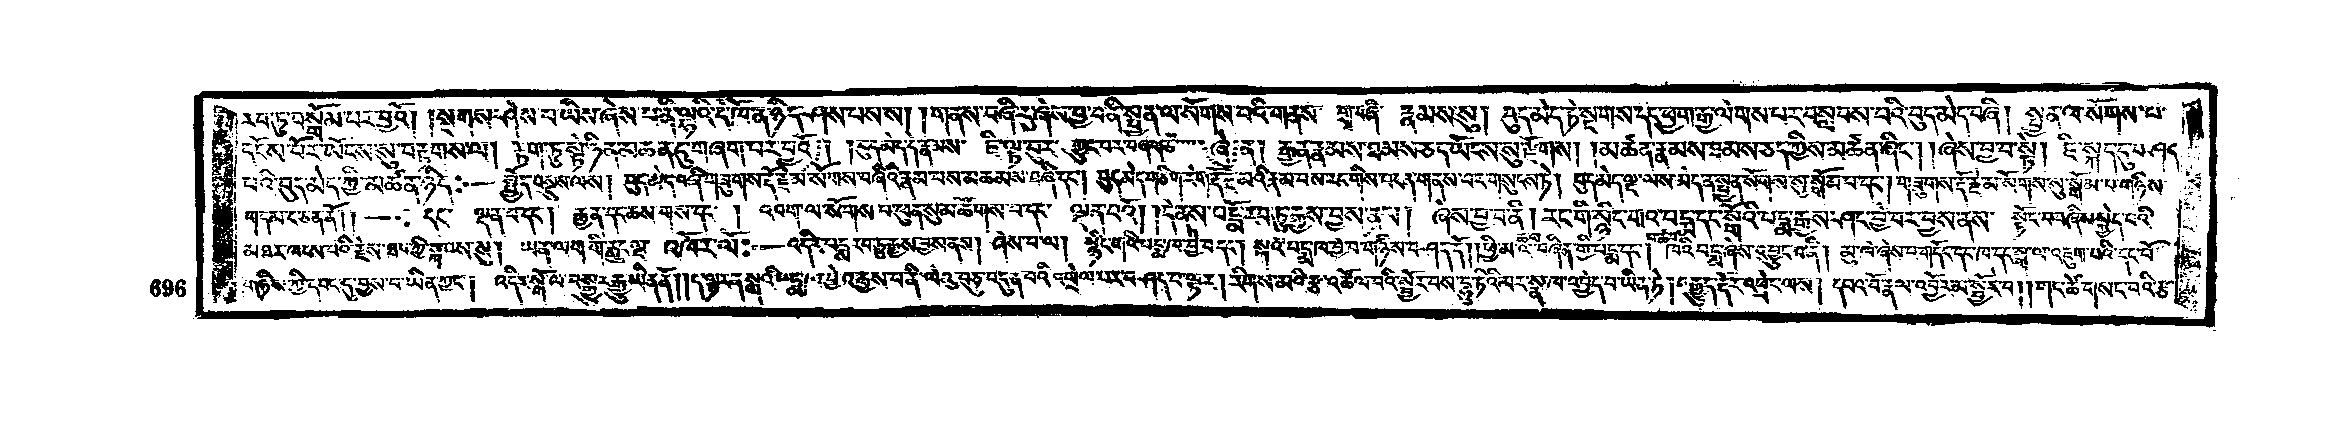རབ་ཏུ་བསྒོམ་པར་བྱའོ། །སྔགས་ཤེས་པ་ཡིས་ཞེས་པ་ནི་ལྷའི་དེ་ཁོ་ན་ཉིད་ཤེས་པས་ས། །གནས་བཞི་རུ་ཞེས་བྱ་བ་ནི་སྤྱན་ལ་སོགས་པའི་གནས་གྲྭ་བཞི་རྣམས་སུ། བུད་མེད་ཏེ་སྔགས་དང་ཕྱག་རྒྱ་ལེགས་པར་བསླབས་པའི་བུད་མེད་བཞི། སྤྱན་ལ་སོགས་པའི་
དངོས་པོར་ཡོངས་སུ་བརྟགས་ལ། རྟག་ཏུ་སྟེ་ཉིན་མཚན་དུ་གཞག་པར་བྱའོ། ། བུད་མེད་དེ་རྣམས་ཇི་ལྟ་བུར་གྱུར་པར་བཞག་ཅེ་ཞེ་ན། རྒྱན་རྣམས་ཐམས་ཅད་ཡོངས་སུ་རྫོགས། །མཚན་རྣམས་ཐམས་ཅད་ཀྱིས་མཚན་ཞིང་། །ཞེས་བྱ་བ་སྟེ། ཇི་སྐད་དུ་བཤད་
པའི་བུད་མེད་ཀྱི་མཚན་ཉིདཿ་སྤྱོད་བསྡུས་ལས། བུད་མེད་བཞི་གཟུགས་རྡོ་རྗེ་མ་སོགས་བཞིའི་རྣམ་པས་མཚམས་བཞི་དང་། བུད་མེད་གཅིག་རེག་རྡོ་རྗེ་མའི་རྣམ་པས་རང་གིས་བདན་གནས་པར་གསུངས་ཏེ། བུད་མེད་ལྔ་ལས་མེད་ན་སྤྱན་སོགས་སུ་སྒོམ་པ་དང་། གཟུགས་རྡོ་རྗེ་མ་སོགས་སུ་སྒོམ་པ་གཉིས་
གདམ་པ་ཅན་ནོ། ། .Hདང་ལྡན་པ་དང་། རྒྱན་དང་ཆས་གས་དང་། འབག་ལ་སོགས་པ་ཕུན་སུམ་ཚོགས་པ་དང་ལྡན་པའོ། །དེ་ནས་པདམོ་རབ་ཏུ་རྒྱས་བྱས་ནས། ཞེས་བྱ་བ་ནི། རང་གི་སྙིང་གའི་པདམ་དང་སྒོའི་པདམ་རྒྱས་ཤང་བྱེ་བར་བྱས་ནས་སྟོང་པ་བཞིས་སྐྱེད་པའི་
མཐར་ལངས་པའི་རྗེས་ཐབ་ཀྱི་སྐབས་སུ། ཡན་ལག་གི་རླུང་ལྔ་འཁོར་ལོཿ་འདིར་པདམ་རབ་ཏུ་རྒྱས་བྱས་ནས། ཞེས་པ་ལ། སྙིང་གའི་པདམ་ཁ་བྱེ་བ་དང་། སྐྲའི་པདམ་ཁ་བྱེ་བ་གཉིས་བཤད་དོ། །ཕྱི་མའི་ཆག་བཞིན་གྱི་པདམ་དང་། པ་ཚབ་ཁའི་པདམ་ཞེས་འབྱུང་བ་ནི། མུ་ཁེ་ཞེས་བ་གདོང་དང་ཁ་དང་སྒོ་ལ་འཇུག་པའི་དང་པོ་
གཉིས་ཀྱི་དབང་དུ་བྱས་པ་ཡིན་ཀྱང་། འདིར་སྒོ་ལ་བསྒྱུར་རྒྱུ་ཡིན་ནོ། །ད་ལྟར་ན་སྒོའི་པདམ་ཁ་བྱེ་བ་རྒྱས་པ་ནི་ལེའུ་བཅུ་བདུན་པའི་འགྲེལ་བར་བཤད་པ་ལྟར། རིགས་མའི་རྩ་འཚོལ་བའི་སྦྱོར་བས་དྷུ་ཏིའི་མར་སྣ་ཁ་འབྱེད་པ་ཡིན་ཏེ། བརྒྱུད་རྡོར་འཕྲེང་ལས། དཔའ་བོ་རྣལ་འབྱོར་མ་སྦྱོར་བ། །གང་ཚེ་གསང་བའི་རྩ་